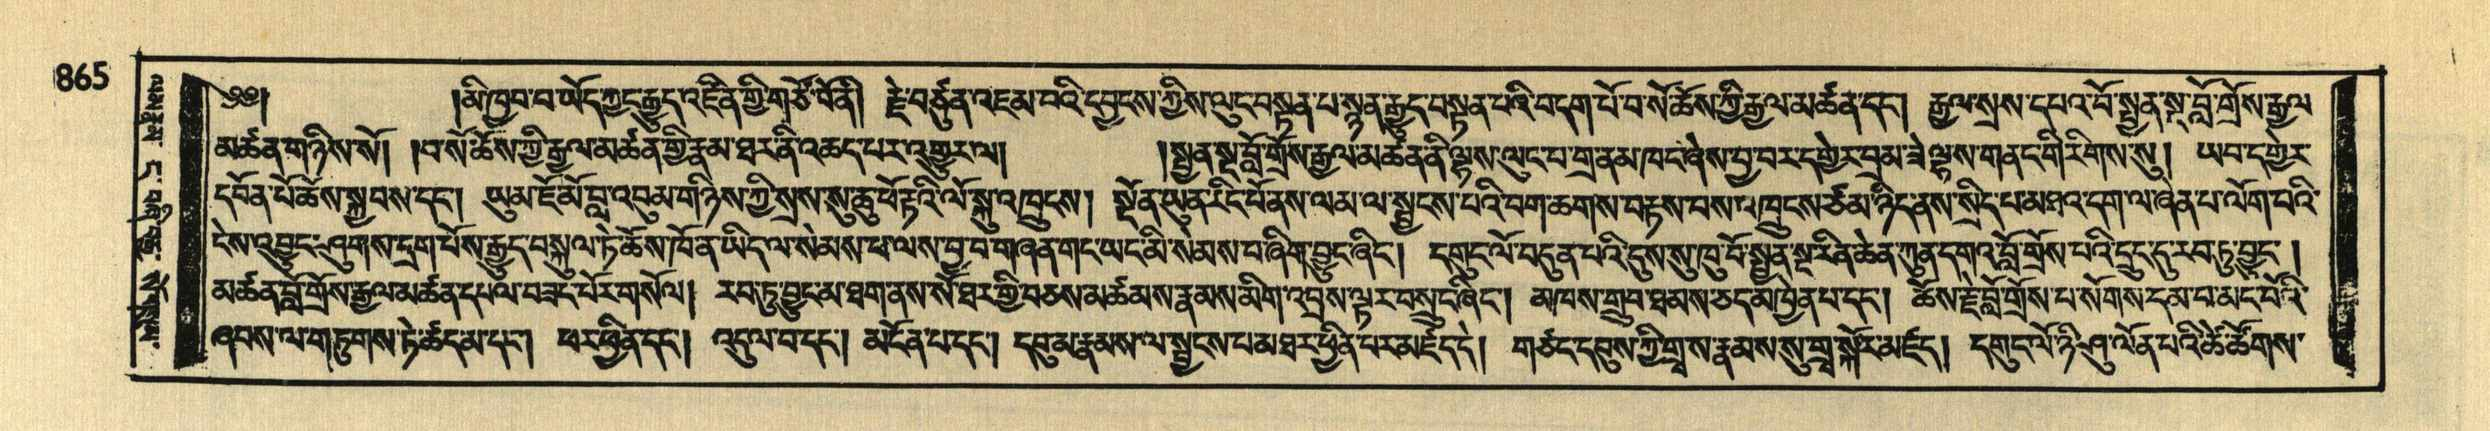༄༅། །མི་ཁྱབ་བ་ཡོད་ཀྱང་རྒྱུད་འཛིན་གྱི་གཙོ་བོ་ནི། རྗེ་བཙུན་འཇམ་བའི་དབྱངས་ཀྱིས་ལུང་བསྟན་པ་སྙན་རྒྱུད་བསྟན་པའི་བདག་པོ་བ་སོ་ཆོས་ཀྱི་རྒྱལ་མཚན་དང་། རྒྱལ་སྲས་དཔའ་བོ་སྤྱན་སྔ་བློ་གྲོས་རྒྱལ་
མཚན་གཉིས་སོ། །བ་སོ་ཆོས་ཀྱི་རྒྱལ་མཚན་གྱི་རྣམ་ཐར་ནི་འཆད་པར་འགྱུར་ལ། །སྤྱན་སྔ་བློ་གྲོས་རྒྱལ་མཚན་ནི་ལྷས་ལུང་པ་གྲ་ནམ་ཁང་ཞེས་བྱ་བར་དགྱེར་བྲམ་ཟེ་ལྷས་གནང་གི་རིགས་སུ། ཡབ་དགྱེར་
དབོན་པོ་ཆོས་སྐྱབས་དང་། ཡུམ་ཇོ་མོ་བླ་འབུམ་གཉིས་ཀྱི་སྲས་སུ་ཆུ་ཕོ་རྟའི་ལོ་སྐུ་འཁྲུངས། སྔོན་ཡུན་རིང་པོ་ནས་ལམ་ལ་སྦྱངས་པའི་བག་ཆགས་བརྟས་བས་འཁྲུངས་ཙམ་ཉིད་ནས་སྲིད་པ་མཐའ་དག་ལ་ཞེན་པ་ལོག་བའི་
ངེས་འབྱུང་ཤུགས་དྲག་པོས་རྒྱུད་བསྐུལ་ཏེ་ཆོས་ཁོ་ན་ཡིད་ལ་སེམས་ཕ་ལས་བྱ་བ་གཞན་གང་ཡང་མི་སེམས་བ་ཞིག་བྱུང་ཞིང་། དགུང་ལོ་བདུན་པའི་དུས་སུ་ཁུ་བོ་སྤྱན་སྔ་རིན་ཆེན་ཀུན་དགའ་བློ་གྲོས་པའི་དྲུང་དུ་རབ་ཏུ་བྱུང་།
མཚན་བློ་གྲོས་རྒྱལ་མཚན་དཔལ་བཟང་པོར་གསོལ། རབ་ཏུ་བྱུང་མ་ཐག་ནས་སོ་ཐར་གྱི་བཅས་མཚམས་རྣམས་མིག་འབྲས་ལྟར་བསྲུང་ཞིང་། མཁས་གྲུབ་ཐམས་ཅད་མཁྱེན་པ་དང་། ཆོས་རྗེ་བློ་གྲོས་པ་སོགས་དམ་པ་མང་པོའི་
ཞབས་ལ་གཏུགས་ཏེ་ཚད་མ་དང་། ཕར་ཕྱིན་དང་། འདུལ་བ་དང་། མངོན་པ་དང་། དབུ་མ་རྣམས་ལ་སྦྱངས་པ་མཐར་ཕྱིན་པར་མཛད་དེ། གཙང་དབུས་ཀྱི་གྲྭ་ས་རྣམས་སུ་གྲྭ་སྐོར་མཛད། དགུང་ལོ་ཉི་ཤུ་ལོན་པའི་ཚེ་ཚོགས་